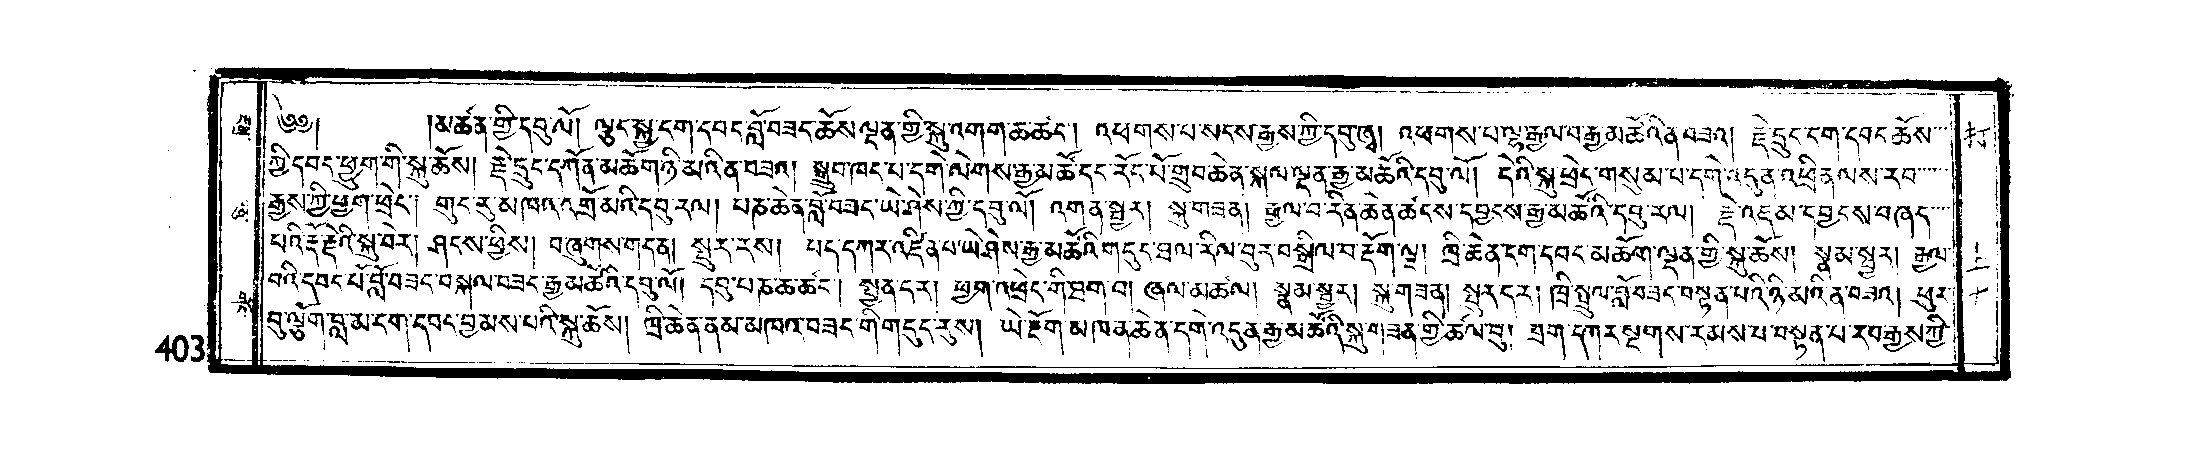༄༅། །མཚན་གྱི་དབུ་ལོ། ལྕང་སྐྱ་ངག་དབང་བློ་བཟང་ཆོས་ལྡན་གྱི་སྐུ་འགག་ཆ་ཚང་། འཕགས་པ་སངས་རྒྱས་ཀྱི་དབུ་ཞྭ། འཕགས་པ་ལྷ་རྒྱལ་བ་རྒྱ་མཚོའི་ན་བཟའ། རྗེ་དྲུང་ངག་དབང་ཆོས་
ཀྱི་དབང་ཕྱུག་གི་སྐུ་ཆོས། རྗེ་དྲུང་དཀོན་མཆོག་ཉི་མའི་ན་བཟའ། སྒྲུབ་ཁང་པ་དགེ་ལེགས་རྒྱ་མཚོ་དང་རོང་པོ་གྲུབ་ཆེན་སྐལ་ལྡན་རྒྱ་མཚོའི་དབུ་ལོ། དེའི་སྐུ་ཕྲེང་གསུམ་པ་དགེ་འདུན་འཕྲིན་ལས་རབ་
རྒྱས་ཀྱི་ཕྱག་ཕྲེང་། གུང་རུ་མཁའ་འགྲོ་མའི་དབུ་རལ། པཎ་ཆེན་བློ་བཟང་ཡེ་ཤེས་ཀྱི་དབུ་ལོ། འགན་སྦྱར། སྐུ་གཟན། རྒྱལ་བ་རིན་ཆེན་ཚངས་དབྱངས་རྒྱ་མཚོའི་དབུ་རལ། རྗེ་འཇམ་དབྱངས་བཞད་
པའི་རྡོ་རྗེའི་སྐུ་བེར། ཤངས་ཕྱིས། བཞུགས་གདན། སྤུར་རས། པད་དཀར་འཛིན་པ་ཡེ་ཤེས་རྒྱ་མཚོའི་གདུང་ཐལ་རིལ་བུར་བསྒྲིལ་བ་རྡོག་ལྔ། ཁྲི་ཆེན་ངག་དབང་མཆོག་ལྡན་གྱི་སྐུ་ཆོས། སྣམ་སྦྱར། རྒྱལ་
བའི་དབང་པོ་བློ་བཟང་བསྐལ་བཟང་རྒྱ་མཚོའི་དབུ་ལོ། དབུ་པཎ་ཆ་ཚང་། སྤྱན་དར། ཕྱག་འཕྲེང་གི་ཐག་པ། ཞལ་མཚལ། སྣམ་སྦྱར། སྐུ་གཟན། སྤུར་དར། ཁྲི་སྤྲུལ་བློ་བཟང་བསྟན་པའི་ཉི་མའི་ན་བཟའ། ཕུར་
བུ་ལྕོག་བླ་མ་ངག་དབང་བྱམས་པའི་སྐུ་ཆོས། ཁྲི་ཆེན་ནམ་མཁའ་བཟང་གི་གདུང་རུས། ཡེ་རྔོག་མཁན་ཆེན་དགེ་འདུན་རྒྱ་མཚོའི་སྐུ་གཟན་གྱི་ཚལ་བུ། བྲག་དཀར་སྔགས་རམས་པ་བསྟན་པ་རབ་རྒྱས་ཀྱི་